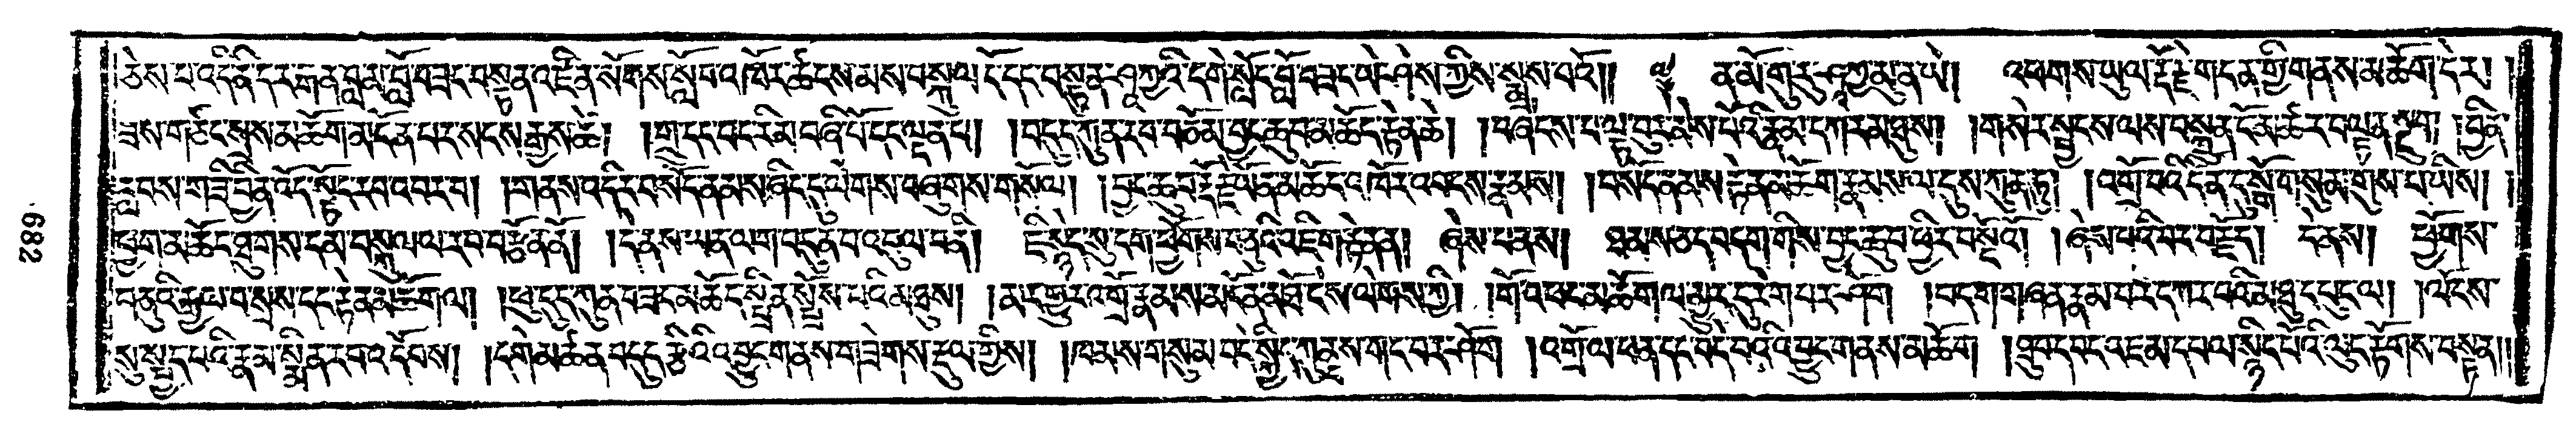ཅེས་པ་འདི་ནི་དར་རྒན་བླ་མ་བློ་བཟང་བསྟན་འཛིན་སོགས་སློབ་འཁོར་ཚངས་མས་བསྐུལ་དོ་དང་བསྟུན་ཤཱཀྱའི་དགེ་སློང་བློ་བཟང་ཡེ་ཤེས་ཀྱིས་སྨྲས་པའོ།། ༈ ན་མོ་གུ་རུ་ཤྰྐྱ་མུ་ན་ཡེ། འཕགས་ཡུལ་རྡོ་རྗེ་གདན་གྱི་གནས་མཆོག་དེར། །
ཟས་གཙང་སྲས་མཆོག་མངོན་པར་སངས་རྒྱས་ཚེ། །གྲུ་དང་བང་རིམ་བཞི་པོ་དང་ལྡན་པ། །བདུད་ཀུན་རབ་བཅོམ་བྱང་ཆུབ་མཆོད་རྟེན་ཆེ། །བཞེངས་པ་ལྟ་བུར་མེས་པོའི་རྣམ་དཀར་མཐུས། །གསེར་སྦྱངས་ལས་བསྐྲུན་ངོ་མཚར་བལྟན་སྡུག །བྱིན་
རླབས་གཟི་བྱིན་འོད་སྟོང་རབ་འབར་བ། །གནས་འདིར་བསོད་ནམས་ཞིང་དུ་ལེགས་བཞུགས་གསོལ། །བྱང་ཆུབ་རྡོ་རྗེ་ཡོན་མཆོད་འཁོར་འབངས་རྣམས། །བསོད་ནམས་རྟེན་མཆོག་རྣམས་ལ་དུས་ཀུན་ཏུ། །འགྲོ་བའི་དོན་དུ་སྒོ་གསུམ་གུས་པ་ཡིས། །
ཕྱག་མཆོད་ཐུགས་དམ་བསྐུལ་ལ་རབ་བརྩོན་ནོ། །དེ་ནས་ཡན་ལག་བདུན་བ་འབུལ་བ་ནི། ཇི་སྙེད་སུ་དག་ཕྱོགས་བཅུའི་འཇིག་རྟེན་ན། ཞེས་པ་ནས། ཐམས་ཅད་བདག་གིས་བྱང་ཆུབ་ཕྱིར་བསྔོའོ། །ཞེས་པའི་བར་བརྗོད། དེ་ནས། ཕྱོགས་
བཅུའི་རྒྱལ་བ་སྲས་དང་རྟེན་མཆོག་ལ། །ཕུ་དུད་ཀུན་བཟང་མཆོད་སྦྲིན་སྦྲོས་པའི་མཐུས། །མར་གྱུར་འགྲོ་རྣམས་མངོན་མཐོ་ངེས་ལེགས་ཀྱི། །གོ་འཕང་མཆོག་ལ་མྱུར་དུ་རེག་པར་ཤོག །བདག་གཞན་རྣམ་པར་དཀར་བའི་མཐུ་དབུང་ལ། །ལོངས་
སུ་སྤྱད་པའི་རྣམ་སྨིན་རབ་འདོབས། །དགེ་མཚན་བདུད་རྩིའི་འབྱུང་གནས་གཟེགས་རྡུལ་གྱིས། །ཁམས་གསུམ་བདེ་སྐྱིད་ཀུནྡས་གང་བར་ཤོག །འགྲོ་ལ་ཕན་དང་བདེ་བའི་འབྱུང་གནས་མཆོག །ཐུབ་དབང་འཇམ་དཔལ་སྙིང་པོའི་ལུང་རྟོགས་བསྟན།།